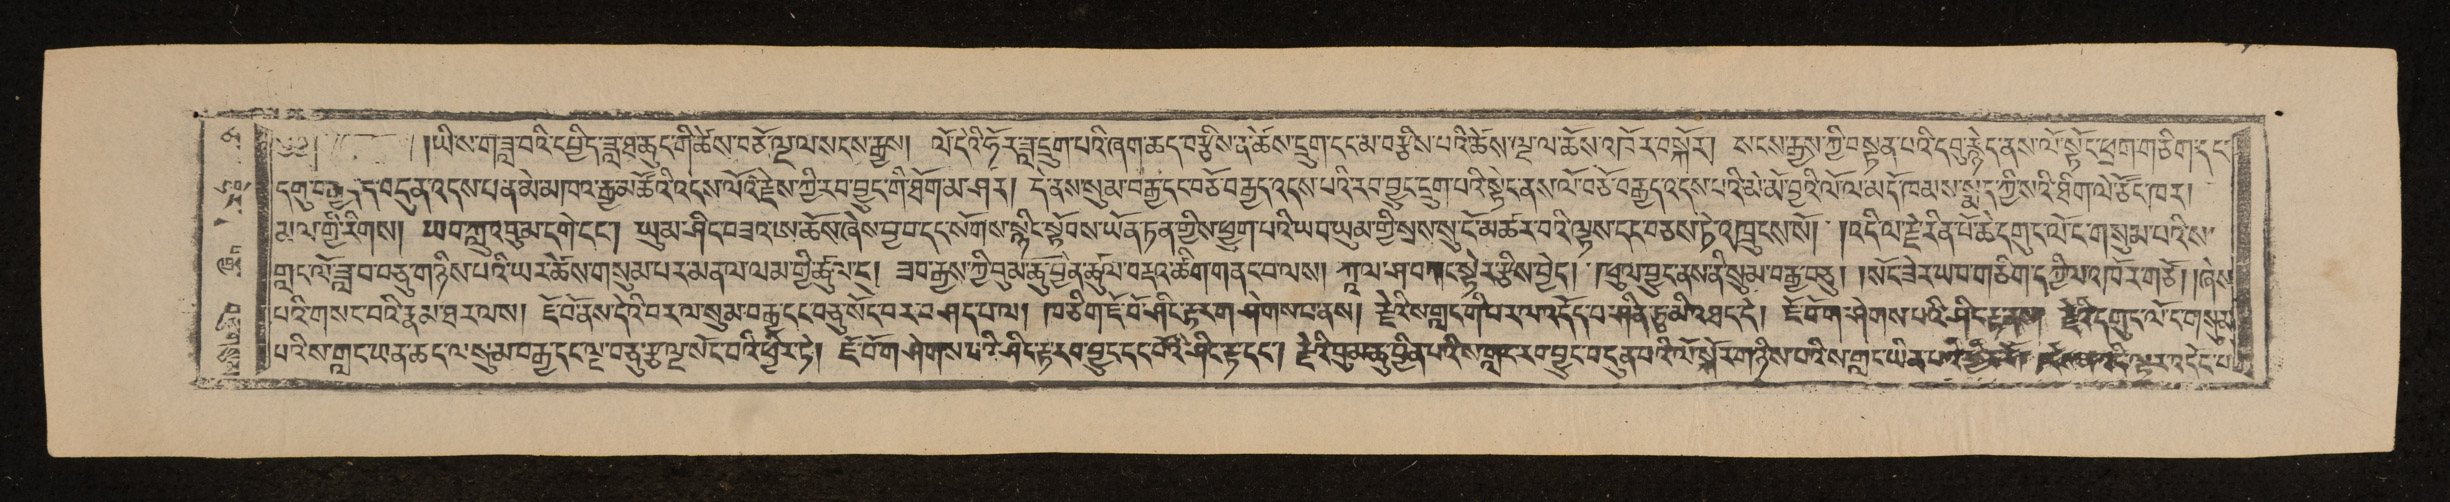༄༅། །ཡི་ས་ག་ཟླ་བའི་དཔྱིད་ཟླ་ཐ་ཆུང་གི་ཚེས་བཅོ་ལྔ་ལ་སངས་རྒྱས། ལོ་དེའི་ཧོར་ཟླ་དྲུག་པའི་ཞག་ཆད་བརྩིས་ན་ཚེས་དྲུག་དང་མ་བརྩིས་པའི་ཚེས་ལྔ་ལ་ཆོས་འཁོར་བསྐོར། སངས་རྒྱས་ཀྱི་བསྟན་པའི་དབུ་རྙེད་ནས་ལོ་སྟོང་ཕྲག་གཅིག་དང་
དགུ་བརྒྱ་དང་བདུན་འདས་པ་ན་མེ་མཁའ་རྒྱ་མཚོའི་འདས་ལོའི་རྗེས་ཀྱི་རབ་བྱུང་གི་ཐོག་མ་ཤར། དེ་ནས་སུམ་བརྒྱ་དང་བཅོ་བརྒྱད་འདས་པའི་རབ་བྱུང་དྲུག་པའི་སྟེང་ནས་ལོ་བཅོ་བརྒྱད་འདས་པའི་མེ་མོ་བྱའི་ལོ་ལ་མདོ་ཁམས་སྨད་ཀྱི་སའི་ཐིག་ལེ་ཙོང་ཁར།
མལ་གྱི་རིགས། ཡབ་ཀླུ་འབུམ་དགེ་དང་། ཡུམ་ཤིང་བཟའ་ཨ་ཆོས་ཞེས་བྱ་བ་དད་སོགས་སྙིང་སྟོབས་ཡོན་ཏན་གྱིས་ཕྱུག་པའི་ཡབ་ཡུམ་གྱི་སྲས་སུ་ངོ་མཚར་བའི་ལྟས་དང་བཅས་ཏེ་འཁྲུངས་སོ། །འདི་ལ་རྗེ་རིན་པོ་ཆེ་དགུང་ལོ་ང་གསུམ་པའི་ས་
གླང་ལོ་ཟླ་བ་བཅུ་གཉིས་པའི་ཡར་ཚེས་གསུམ་པར་མན་ལ་ལམ་གྱི་ཚུལ་དུ། ཟབ་རྒྱས་ཀྱི་བུམ་ཆུ་བྱིན་ཚུལ་བརྡའ་ཚིག་གནང་བ་ལས། ཀཱ་ལ་ཤ་བཀང་སྟེར་རྩིས་བྱེད། །ཕུལ་བྱུང་ནས་ནི་སུམ་བརྒྱ་བཅུ། །སོང་ཟེར་ཡབ་གཅིག་དཀྱིལ་འཁོར་གཙོ། །ཞེས་
བའི་གསང་བའི་རྣམ་ཐར་ལས། ཇོ་བོ་ནས་དེའི་བར་ལ་སུམ་བརྒྱ་དང་བཅུ་སོང་བར་བཤད་བ་ལ། ཁ་ཅིག་ཇོ་བོ་ཤིང་རྟར་གཤེགས་པ་ནས། རྗེའི་ས་གླང་གི་བར་ལ་འདོད་པ་ཤིན་ཏུ་མི་འཐད་དེ། ཇོ་བོ་གཤེགས་པའི་ཤིང་རྟ་ནས། རྗེའི་དགུང་ལོ་ང་གསུམ་
བའི་ས་གླང་ཡན་ཆད་ལ་སུམ་བརྒྱ་དང་ལྔ་བཅུ་རྩ་ལྔ་སོང་བའི་ཕྱིར་ཏེ། ཇོ་བོ་གཤེགས་པའི་ཤིང་རྟ་རབ་བྱུང་དང་པོའི་ཤིང་རྟ་དང་། རྗེའི་བུམ་ཆུ་བྱིན་པའི་ས་གླང་རབ་བྱུང་བདུན་པའི་ལོ་སྐོར་གཉིས་པའི་ས་གླང་ཡིན་པའི་ཕྱིར་རོ། །དེས་ན་འདི་ལྟར་འདོད་པ་